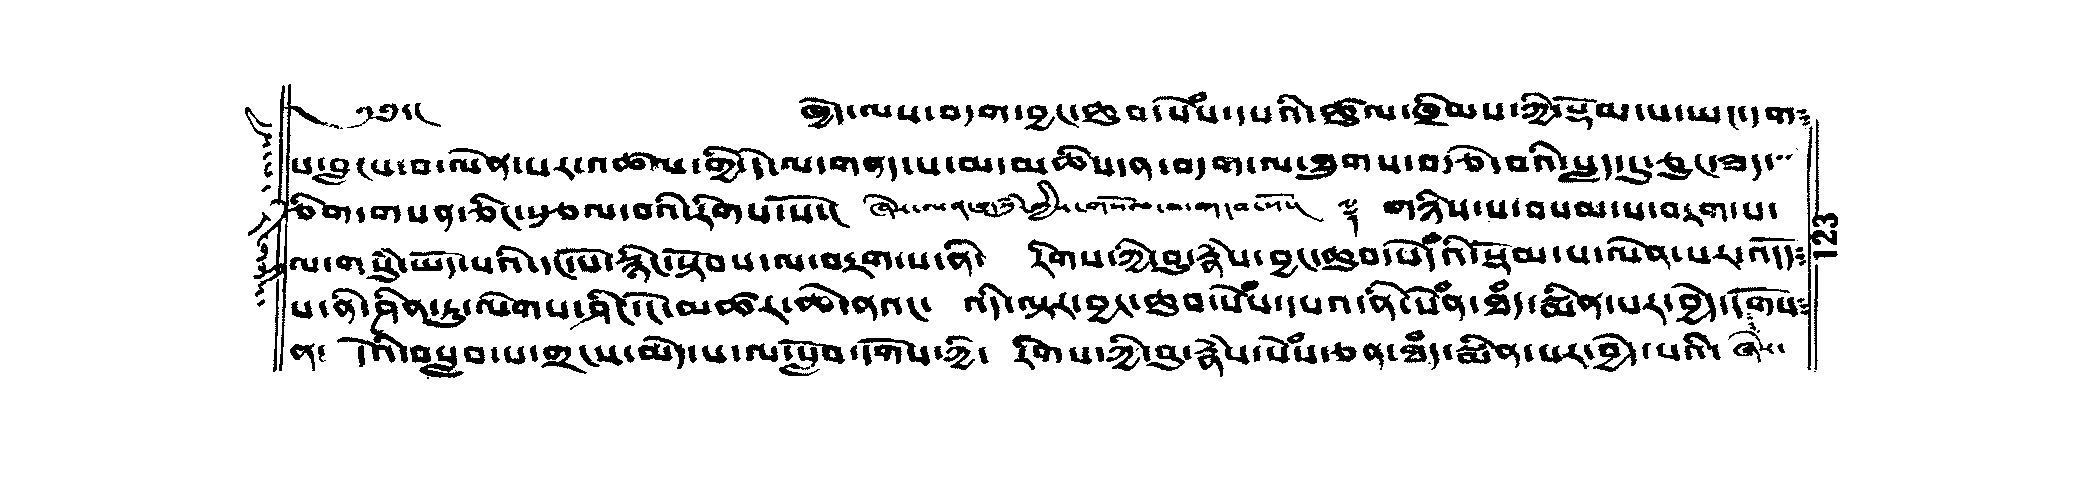ཁྱེད་ལས་བདག་བྱང་ཆུབ་སེམས་དཔའི་ཚུལ་ཁྲིམས་ཀྱི་སྡོམ་པ་ཡང་དག་
པ་བླངས་བ་ལེན་པར་འཚལ་གྱི་དེ་ལ་གནད་པ་མ་མཆིས་ན་བདག་ལ་ཐུགས་བརྩེ་བའི་སླད་དུ་ཅུང་ཟད་
ཅིག་གསན་ཅིང་སྩལ་བའི་རིགས་སོ། ཞེས་ལན་གསུམ་གྱིས་གསོལ་བ་གདབ་བོ། ༈ གཉིས་པ་བསམ་པ་བརྟག་པ་
ལ་གསུམ་ཡོད་པའི་དང་པོ་སྙིང་སྟོབས་ལ་བརྟག་པ་ནི། རིགས་ཀྱི་བུ་རྣམས་བྱང་ཆུབ་སེམས་དཔའི་སྡོམ་པ་ལེན་པར་འདོད་
པ་ནི་ཤིན་ཏུ་ལེགས་ཤིང་ངོ་མཚར་ཆེ་ནའང་། འདི་ལྟར་བྱང་ཆུབ་སེམས་དཔའ་ནི་སེམས་ཅན་ཐམས་ཅད་སྨིན་པར་བྱེད་དགོས་{ 
ཞེས་མཁས་བླང་ངོ་། }ན། དེའི་བསླབ་པ་གྲངས་མེད་པ་ལ་སློབ་དགོས་ཀྱི། རིགས་ཀྱི་བུ་རྣམས་སེམས་ཅན་ཐམས་ཅད་སྨིན་པར་བྱེད་པའི་